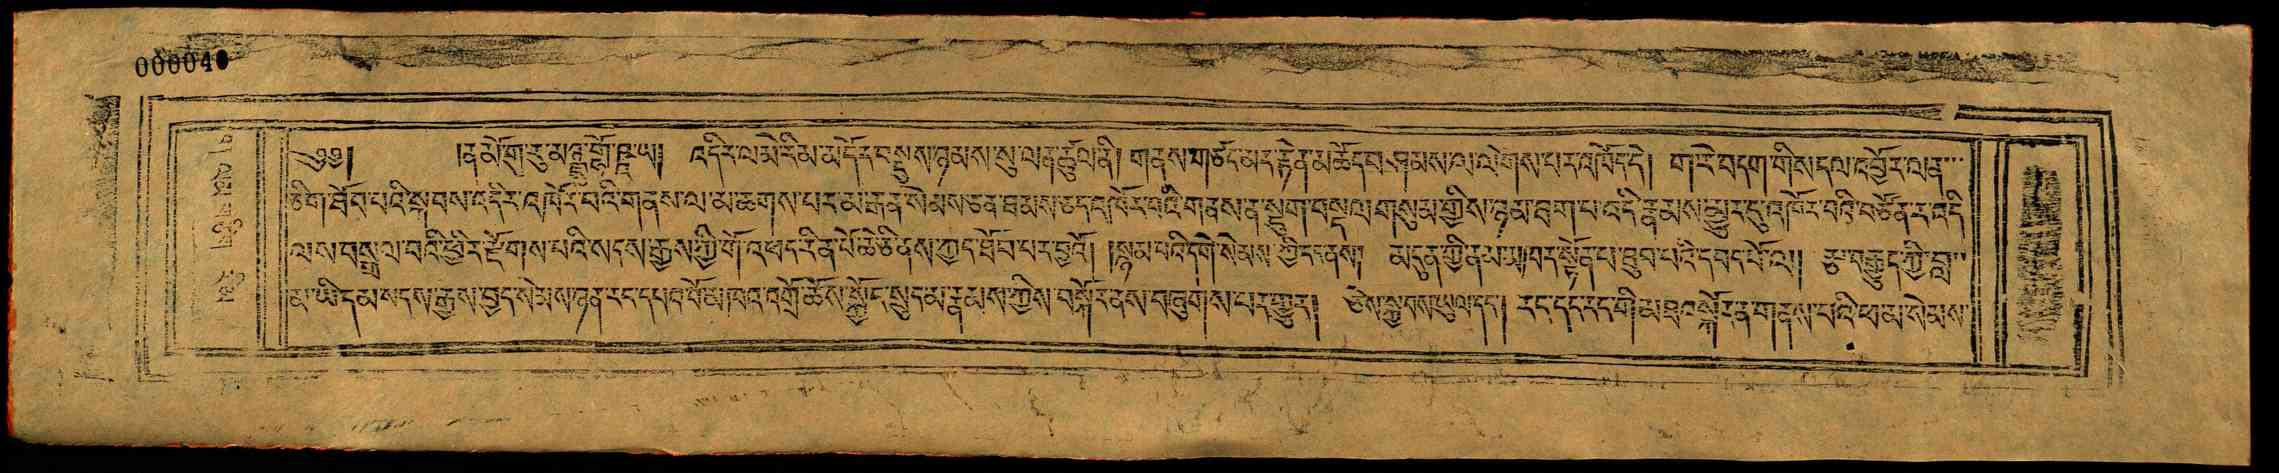༄༅། །ན་མོ་གུ་རུ་མཉྫུ་གྷོ་ཥཱ་ཡ། འདིར་ལམ་རིམ་མདོར་བསྡུས་ཉམས་སུ་ལེན་ཚུལ་ནི། གནས་གཙང་མར་རྟེན་མཆོད་བཤམས་ལ་ལེགས་པར་འཁོད་དེ། ག་རེ་བདག་གིས་དལ་འབྱོར་ལན་
ཅིག་ཐོབ་པའི་སྐབས་འདིར་འཁོར་བའི་གནས་ལ་མ་ཆགས་པར་མ་རྒན་སེམས་ཅན་ཐམས་ཅད་འཁོར་བའི་གནས་ན་སྡུག་བསྔལ་གསུམ་གྱིས་ཉམ་ཐག་པ་འདི་རྣམས་མྱུར་དུ་འཁོར་བའི་བཙོན་ར་འདི་
ལས་བསྒྲལ་བའི་ཕྱིར་རྫོགས་པའི་སངས་རྒྱས་ཀྱི་གོ་འཕང་རིན་པོ་ཆེ་ཅི་ནས་ཀྱང་ཐོབ་པར་བྱའོ། །སྙམ་པའི་དགེ་སེམས་ཀྱི་དང་ནས། མདུན་གྱི་ནམ་མཁར་སྟོན་པ་ཐུབ་པའི་དབང་པོ་ལ། རྩ་བརྒྱུད་ཀྱི་བླ་
མ་ཡི་དམ་སངས་རྒྱས་བྱང་སེམས་ཉན་རང་དཔའ་བོ་མཁའ་འགྲོ་ཆོས་སྐྱོང་སྲུང་མ་རྣམས་ཀྱིས་བསྐོར་ནས་བཞུགས་པར་གྱུར། ཅེས་སྐྱབས་ཡུལ་དང། རང་དང་རང་གི་མཐའ་སྐོར་ན་གནས་པའི་ཕ་མ་སེམས་